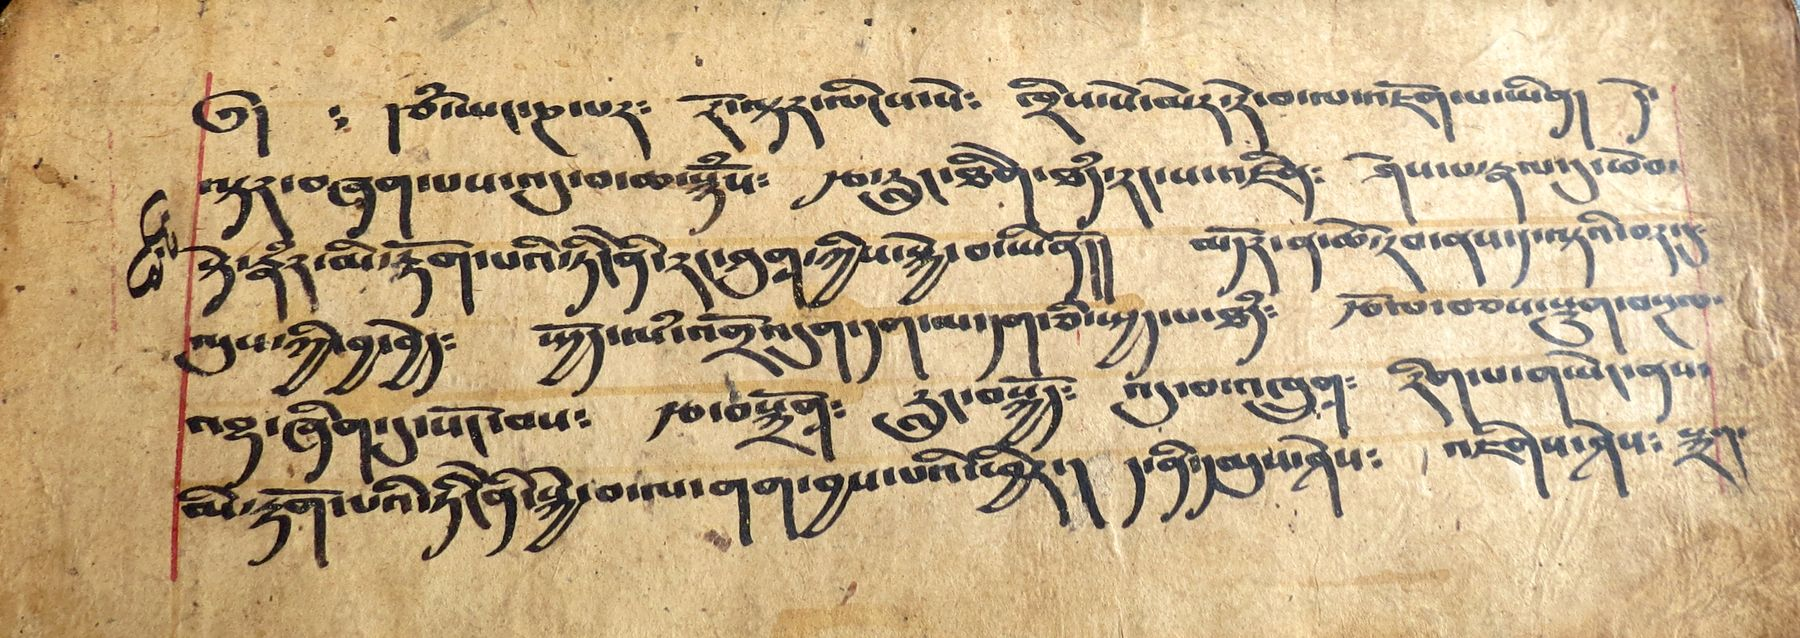ཙམ་ཡང་མེད་པར། རོ་ལྟར་ལིང་ངེ་ཁྲིགས་སེ་ཡེ་རེ་བ་ལ་འཇོག་པ་ཡིན། ། དེ་
ལྟར་བཞག་པས་འདུ་བ་ཆ་སྙོམས། རྩ་རླུང་ཐིག་ལེ་ཐམས་ཅད་རང་ས་འཛིན། ཤེས་པ་རྣལ་དུ་ཕེབས་
དུ་
ཏེ། རྣམ་པར་མི་རྟོག་པའི་ཏིང་ངེ་འཛིན་རང་ཤུགས་ཀྱིས་བསྐྱེད་པ་ཡིན་ནོ། མདོར་ན་ཚེ་རབས་ནས་ད་ལྟའི་བར་དུ་
ལུས་ཀྱི་བྱ་བྱེད་སྤྱོད་ལམ། འགྲོ་འདུག་མ་དག་ཅི་སྤྱོད་པ་ཐམས་ཅད་རྩོལ་བྱས་སྡུག་བསྔལ་
འབའ་ཞིག་ཏུ་སོང་བས། རྩ་དཀྲོག རླུང་བསྐྱོད། འདུ་བ་འཁྲུགས། རིག་པ་གཡེངས་ནས་
རྣམ་པར་མི་རྟོག་པའི་ཏིང་འཛིན་སྐྱེ་བ་ལ་གག་བྱས་པའི་ཕྱིར། ད་ནི་དམུས་ཤེས། འཇིགས་ཤེས། སྐྲག་